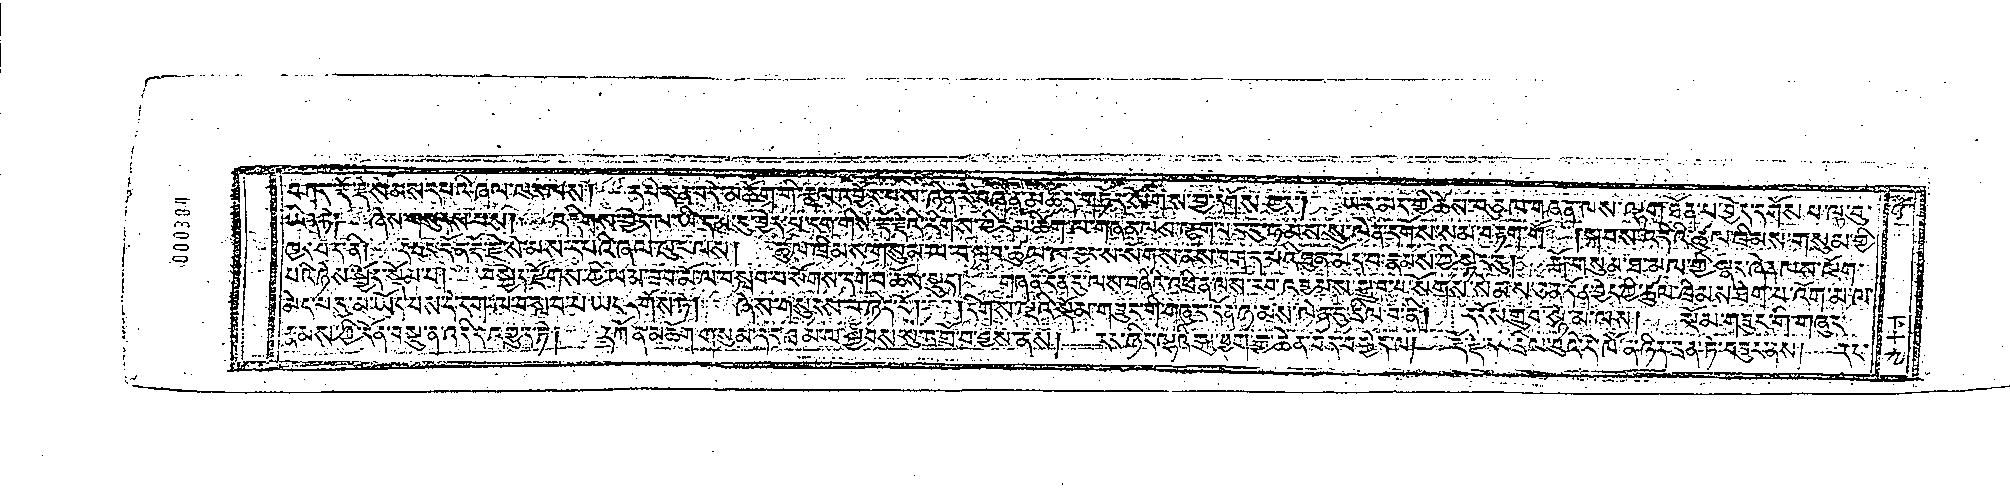བཤད་རྡོ་རྗེ་སེམས་དཔའི་ཞལ་ལུང་ལས། དཔེར་ན་བདེ་མཆོག་གི་རྣལ་འབྱོར་པས་ཉིན་རེ་བཞིན་མཆོད་གཏོར་སོགས་བྱ་དགོས་ཀྱང་། ཡར་མར་གྱི་ཚེས་བཅུ་ལ་གཞན་ལས་ལྷག་ཐོན་པ་བྱེད་དགོས་པ་ལྟ་བུ་
ཡིན་ཏེ། ཞེས་གསུངས་པས། འཇིགས་བྱེད་ལ་ཡི་དམ་དུ་བྱེད་པ་དག་གིས་རྡོ་རྗེའི་རིགས་ཀྱི་དམ་ཚིག་ལ་གཞན་ལས་ལྷག་པར་དུ་ཉམས་སུ་ལེན་དགོས་སམ་བརྟག་གོ །སྐབས་འདིའི་ཚུལ་ཁྲིམས་གསུམ་གྱི་
ཁྱད་པར་ནི། དབང་དོན་རྡོ་རྗེ་སེམས་དཔའི་ཞལ་ལུང་ལས། ཚུལ་ཁྲིམས་གསུམ་ལ་བསླབ་ཚུལ་ལ་བྱང་ས་སོགས་ནས་བཤད་པའི་ཐུན་མོང་བ་རྣམས་ཀྱི་སྟེང་དུ། སྒོ་གསུམ་ཐ་མལ་གྱི་སྣང་ཞེན་ལས་ལྡོག་
པའི་ཉེས་སྤྱོད་སྡོམ་པ། བསྐྱེད་རྫོགས་ཀྱི་ལམ་ཟབ་མོ་ལ་བསླབ་པ་སོགས་དགེ་བ་ཆོས་སྡུད། གཞན་དོན་དུ་ལས་བཞིའི་འཕྲིན་ལས་རབ་འབྱམས་སྒྲུབ་པ་སོགས་སེམས་ཅན་དོན་བྱེད་ཀྱི་ཚུལ་ཁྲིམས་ཐེག་པ་འོག་མ་ལ་
མེད་པ་དུ་མ་ཡོད་པས་དེ་དག་ལ་བསླབ་པ་ཡང་དགོས་ཏེ། ཞེས་གསུངས་པ་ཉིད་དོ། །རིགས་ལྔའི་སྡོམ་གཟུང་གི་གཞུང་དོན་ཉམས་ལེན་དུ་དྲིལ་བ་ནི། དངོས་གྲུབ་སྙེ་མ་ལས། སྡོམ་གཟུང་གི་གཞུང་
རྣམས་ཀྱི་དོན་བསྡུ་ན་འདིར་འགྱུར་ཏེ། དཀོན་མཆོག་གསུམ་དང་བླ་མ་ལ་སྐྱབས་སུ་འགྲོ་བ་བྱས་ནས། རང་ཉིད་ལྷའི་སྐུ་ཕྱག་རྒྱ་ཆེན་བོར་བསྐྱེད་ལ། རྡོ་རྗེ་དང་དྲིལ་བུའི་དེ་ཁོ་ན་ཉིད་དྲན་ཏེ་བཟུང་ནས། རང་